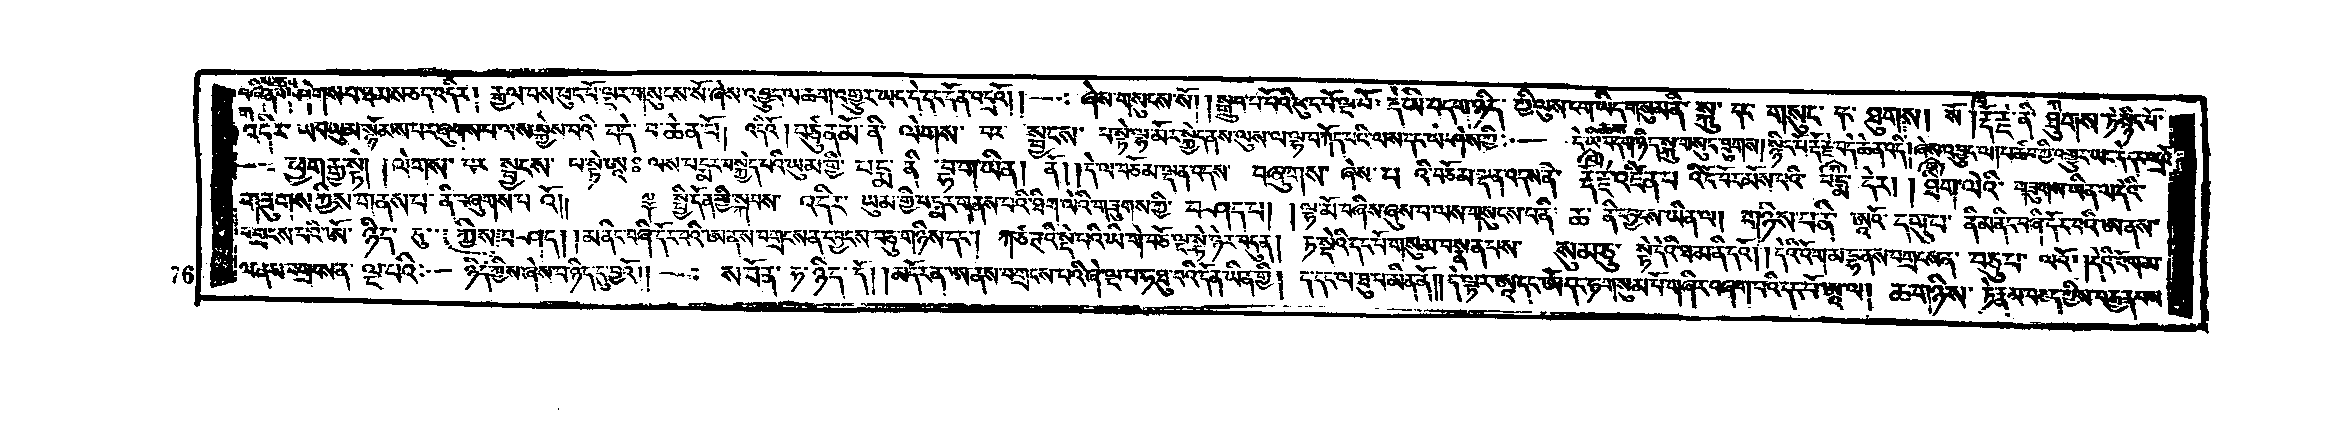བཞིན་གཤེགས་པ་ཐམས་ཅད་འདིར། རྒྱལ་བས་ཕུང་པོ་ལྔར་གསུངས་སོ་ཞེས་འབྱུང་ལ་ཆག་འགྱུར་ཡང་དེ་དང་དོན་འདྲའོ།།.H ཞེས་གསུངས་སོ། །སྒྲུབ་པ་པོའི་ཕུང་པོ་ལྔ་པོ་དེ་ཡི་བདག་ཉིད་ཀྱི་ལུས་ངག་ཡིད་གསུམ་ནི་སྐུ་དང་གསུང་དང་ཐུགས། སོ་རྡོ་རྗེ་ནི་ཐུགས་ཏེ་སྙིང་པོ་
འདིར་ཡང་ཡུམ་སྙོམས་པར་ཞུགས་པ་ལས་སྐྱེས་པའི་བདེ་བ་ཆེན་པོ་འདིའོ། བཙུན་མོ་ནི་ལེགས་པར་སྦྱངས་པ་སྟེ་ལྷ་མོར་སྐྱེད་ནས་ལུས་ལ་ལྷ་བཀོད་པའི་ལས་དང་ཡེ་ཤེས་ཀྱིཿདེ་ཡི་བདག་ཉིད་སྐུ་གསུང་ཐུགས། སྙིང་པོ་རྡོ་རྗེ་བདེ་ཆེན་འདི། ཞེས་འབྱུང་ལ། པ་ཚབ་ཀྱི་འགྱུར་ཡང་དེ་དང་འདྲའོ་
.Hཕྱག་རྒྱ་སྟེ། །ལེགས་པར་སྦྱངས། བ་སྟེ་ཨཱཿ ལས་པདམར་བསྐྱེད་པའི་ཡུམ་གྱི་པདམ་ནི་བྷ་ག་ཡིན། ནོ། །དེ་ལ་བཅོམ་ལྡན་འདས་བཞུགས་ཞེས་པའི་བཅོམ་ལྡན་འདས་ནི། རྡོ་རྗེ་འཛིན་པའི་ངོ་བོར་མོས་པའི་པདམ་དེར། །ཐིག་ལེའི་གཟུགས་ཡིན་པ་དེའི་
གཟུགས་ཀྱིས་གནས་པ་ནི་བཞུགས་པའོ།། ༈ སྤྱི་དོན་གྱི་སྐབས་འདིར་ཡུམ་གྱི་པདམར་གནས་པའི་ཐིག་ལེའི་གཟུགས་ཀྱི་བཤད་པ།།ལྷ་མོ་བཞིས་ཞུས་པ་ལ་གསུངས་པ་ནི་ཆ་ནི་དབྱངས་ཡིན་ལ། གཉིས་པ་ནི་ཨཱའོ་དགུ་པ་ནི་མ་ནིང་བཞི་དོར་བའི་ཨ་ནས་
འགྲངས་པའི་ཨོ་ཉིད་དུ་ཡིས་བཤད། །མ་ནིང་ཞི་དོར་བའི་ཨ་ནས་འགྲངས་ན་དབྱངས་བཅུ་གཉིས་དང་། ཀ་ཙ་ཊའི་སྡེ་པའི་ཡི་གེ་ཅོ་ལྔ་སྟེ་ཉེར་བདུན། ཏ་སྡེའི་དང་པོ་གསུམ་བསྣན་པས་སུམ་ཅུ་སྟེ་དེའི་ཐ་མ་ནི་དའོ། །དེའི་འོག་མ་དྷ་ནས་བགྲངས་ན་བཅུ་པ་ལའོ། །དེའི་འོག་མ་
ཝ་ནས་བགྲངས་ན་ལྔ་པའིཿཉིད་ཀྱིས་ཞེས་པ་ཉིད་དུ་བྱའོ།། .H ས་བོན་ཧ་ཉིད་དོ། །མདོར་ན་ཨ་ནས་བགྲངས་པའི་ཞེ་ལྔ་པ་ཧ་ཐུ་པའི་དོན་ཡིན་གྱི། ད་དང་ལ་ཐུ་པ་མིན་ནོ།།དེ་ལྟར་ཨཱ་དང་ཨོ་དང་ཧ་གསུམ་པོ་གཞིར་བཞག་པའི་དང་པོ་ཨཱ་ལ།ཆ་གཉིས་ཏེ་རྣམ་བཅད་ཀྱིས་རྒྱན་པས་